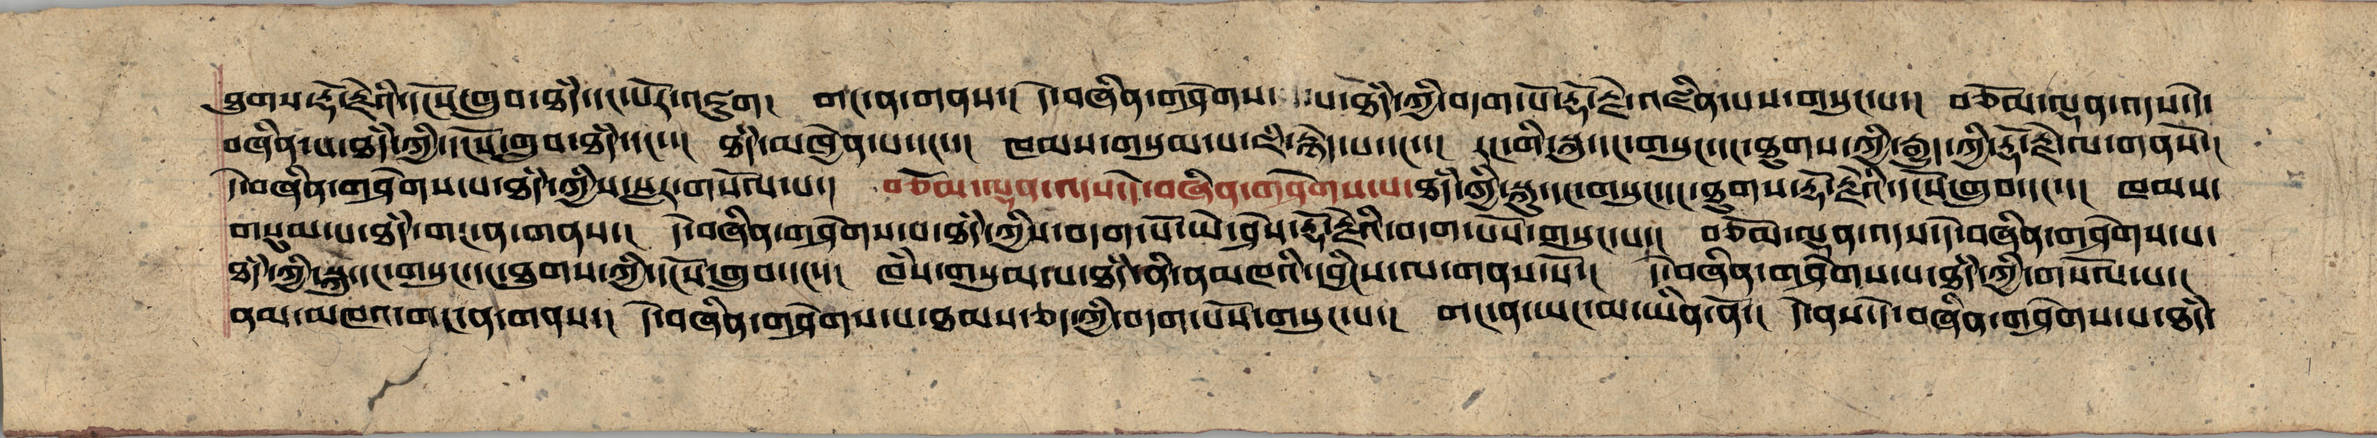ཐུགས་རྡོ་རྗེའི་དངོས་གྲུབ་ཐདཾ་དང་པོར་འཇུག། གང་ན་གནས་། དེ་བཞིན་གཤེགས་ པ་ཐདཾ་ཀྱི་བདག་པོ་རྡོ་རྗེ་འཛིན་པས་གསུང་པ་། བཅོམ་ལྡན་འདས་དེ་
བཞིན་པ་ཐདཾ་ཀྱི་དངོས་གྲུབ་ཐདཾ་དང་་། ཐདཾ་མཁྱེན་པ་དང་་། ཁམས་གསུམ་པ་ཇི་རྙེད་པ་དང་་། རང་གི་སྐུ་དང་གསུང་དང་ཐུགས་ཀྱི་རྒྱུད་ཀྱི་རྡོ་རྗེ་ལ་གནསོ་།
དེ་བཞིན་གཤེགས་པ་ཐདཾ་ཀྱིས་སླར་གསོལ་པ་། བཅོམ་ལྡན་འདས་དེ་བཞིན་གཤེགས་པ་ཐདཾ་ཀྱི་སྐུ་དང་གསུང་དང་ཐུགས་རྡོ་རྗེའི་དངོས་གྲུབ་དང་་། ཁམས་
གསུམ་པ་ཐདཾ་གང་ན་གནས་། དེ་བཞིན་གཤེགས་པ་ཐདཾ་ཀྱིས་བདག་པོ་ཡེ་ཤེས་རྡོ་རྗེའི་བདག་པོས་གསུངས་པ་། བཅོམ་ལྡན་འདས་དེ་བཞིན་གཤེགས་པ་
ཐཾད་ཀྱི་སྐུ་དང་གསུང་དང་ཐུགས་ཀྱི་དངོས་གྲུབ་དང་་། ཁཾས་གསུམ་ཐཾད་ནི་ནམཁའི་དབྱིངས་ལ་གནས་སོ་། དེ་བཞིན་གཤེགས་པ་ཐཾད་ཀྱི་གསོལ་པ་།
ནམ་མཁའ་གང་ན་གནས་། དེ་བཞིན་གཤེགས་པ་ཐམས་ཅད་ཀྱི་བདག་པོས་གསུངས་པ་། གང་ན་ཡང་མ་ཡིན་ནོ་། དེ་ནས་དེ་བཞིན་གཤེགས་པ་ཐཾད་